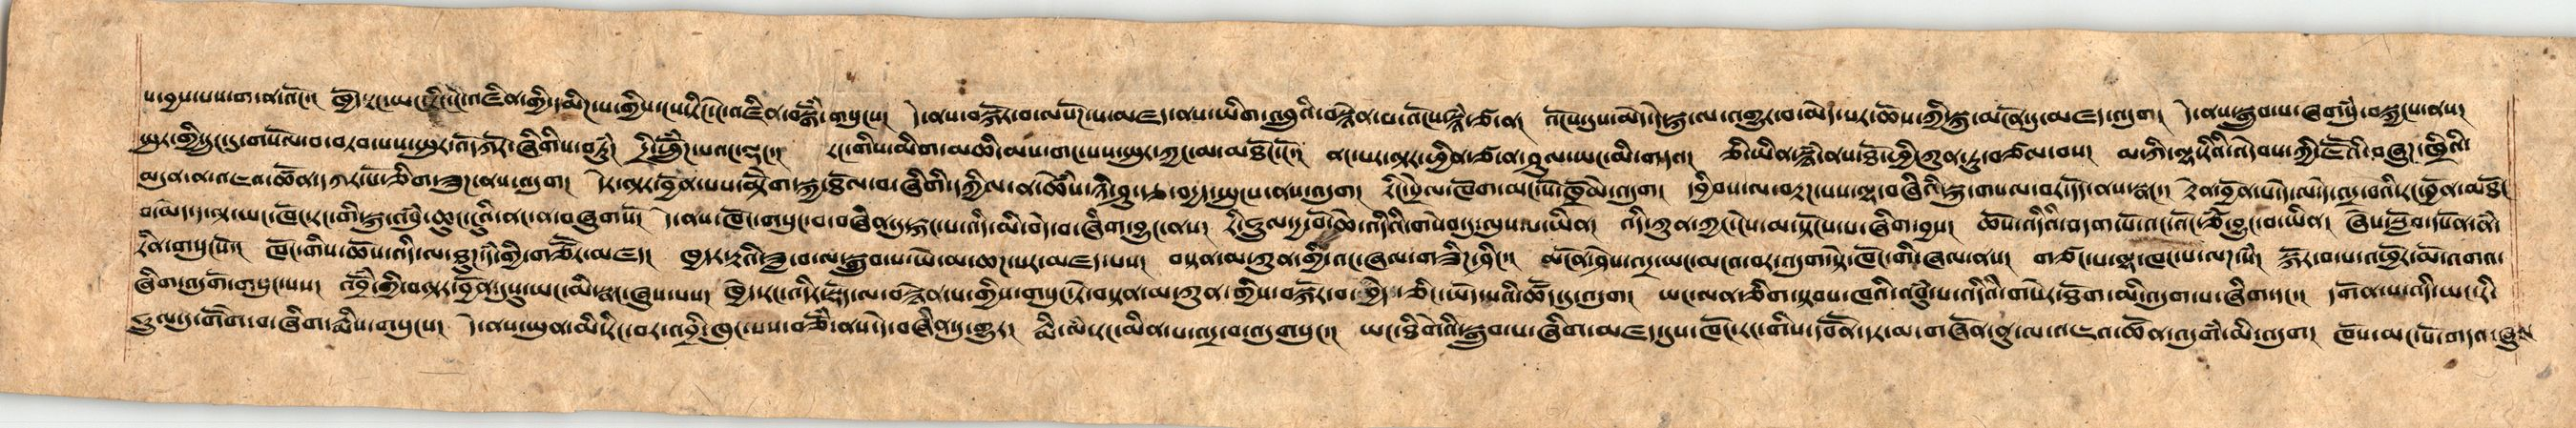པ་བྱས་པས་ག་ན་འོང་། ཁྱོད་རང་ཡང་ཏིང་ངེ་འཛིན་གྱི་དམིཌ་པ་གྱིས་ངས་ཏིང་ངེ་འཛིན་བསྒོཾ་གསུངས། དེ་ནས་བསྐོར་བ་ལསོཌ་པ་མཛད་ནས་ཡིག་འབྲུའི་བསྙེན་པ་འོངས་སྙཾ་ཙ་ན། འོངས་དུས་མེད་དེ་སྐུ་ལ་འགྱུར་བ་མེད་པར་ཆོས་ཀྱི་སྐུ་མངོན་དུ་མཛད་འདུག དེ་ནས་སྒྲུབ་པ་ཞགསུཾ་བསྐྱངས་ནས།
སྤུར་གྱི་དྲུང་དུ་གསོལབ་བཏབ་པས་སྤུར་འོདཀརོ་ཞིགིས་བཏུཾ། དྲི་ཕྲུཾཚོཌ་་པའང་ལྡང་། རང་གིས་མིག་མཆི་མས་གང་པས་སྤུར་ཀྱང་མ་མཐོང་ངོ་། ནངཔར་ལྟར་ཕྱིན་ཙ་ན་ཤུལ་ཡང་མི་གདའ། ཅི་ཡིན་སྙཾ་ནས་ཐོ་ཕྱི་ཀུན་ཏུ་བཙལ་བས། མ་ཀི་ལྷ་རིའི་འདེབས་ཀྱི་ཇཽའི་བཞུཌ་ཁྲིའི་
མདུན་ན་འཇའ་ཚོན་དཀར་པོ་ཞིག་ཟུཌ་ནས་འདུག། དེར་ལྟར་བྱོན་པས་མྟེོག་སྐྱ་ཐོལ་བ་ཞིགི་དཀྱིལ་ན་ཚེཾས་ཉི་ཤུ་རྩ་བདྱད་སྤུངས་ནས་འདུག རིང་སྲེལ་ཁོག་མང་པོ་ཁྲོམེ་འདུག དབྱིབས་ལ་བརྟཌ་པས་ལྷ་བཞིའི་སྐུ་གསལ་བར་དོད་ནས་སྣང་། རྟེན་བྱོན་པ་དེ་ལ་དེ་འདྲ་བའི་རང་བྱོན་མཐོང
བ་མེད་ད་ལྟ་ཡང་ཁོང་རང་གི་སྐུ་འབུཾ་ཆུང་ངུའི་ནང་ན་བཞུགསོ། དེ་ནས་ཁོང་གསུང་བ་བཞིན་དུ་རྐང་པ་འདི་མི་བདེ་བ་ཞིག་བྱུང་ནས། རེ་ཧྲུལ་དྱ་བོ་ཆེ་འདིའི་གསེབ་དུ་ལུས་པ་ཡིན། འདི་ཀུན་ཀྱང་ངེས་མ་སྟོངས་པ་ཞིག་བྱས། ཆོས་འདིའི་བདག་པོ་འང་འོང་ཙཾ་བྱུང་བ་ཡིན། ཞེས་སློབ་དཔོན་ནཾ་
རིན་གསུངསོ། ཁོང་གིས་ཆོས་འདི་ལ་ཐུཌ་དཾ་གྱི་གཙཽར་མཛད། ཁྱདར་རྟའི་ཟླ་བ་ལ་སྒྲུབ་པ་ཡེ་མ་ཆཌ་པར་མཛད་པས། བསྟན་མ་ཀུན་གྱི་འང་ཞལ་གཟིཌ་ཤིང་། མངོན་ཤེས་འདྲ་ཡང་མངའ་བར་འདུག་སྟེ་ཁོང་གི་ཞལ་ནས། གཙང་པ་ལྷ་ཁང་པ་ལཌ་སཾ། སྐོར་བ་པ་འཕྱོར་མོ་འགའ་
ཞིག་འདུགོ་གསུང་པས། འབྲོཾ་གྱི་བལྟར་བྱོན་དུསུ་ཡང་མི་སྣང་ཞུས་པས། ཁྱེད་རང་འདིར་སྡོད་ལ་བསྙེན་པ་གྱིས་གསུང་ཏེ་བསྟན་མ་ཀུན་གྱིས་བསྐོར་བ་བྱེད་ཅིང་ཡོད་པའི་ཚོད་དུ་འདུག། ཡང་ལན་ཅིག་སྟབས་ཁའི་འབུཾ་པ་འདིའི་གསེར་ཐོག་མི་འདུག་པ་ཞིག་དང་། དགོན་པ་འདི་ཡང་རི་
ཧྲུལ་དུ་གཽག་བ་ཞིག་རྨིས་གསུངས། དེ་ནས་ཡུན་མི་རིང་བར་འབྲི་ཁུང་པས་བཅོཾ་ནས་དེ་བཞིན་དུ་གྱུར། རྨི་ལཾ་རང་མིན་པ་འདྲ་བ་འདུགསུང་། ཡང་ཐིགེའི་སྒྲུབ་པ་ཞིག་མཛད་དུས་ཁོང་རང་གིས་དབཽན་དར་མ་གཞོན་ནུ་ལ་འཇའ་ཚོན་འདུགཾ་མི་འདུག། ཁོས་མང་པོ་གདའ་ཞུས